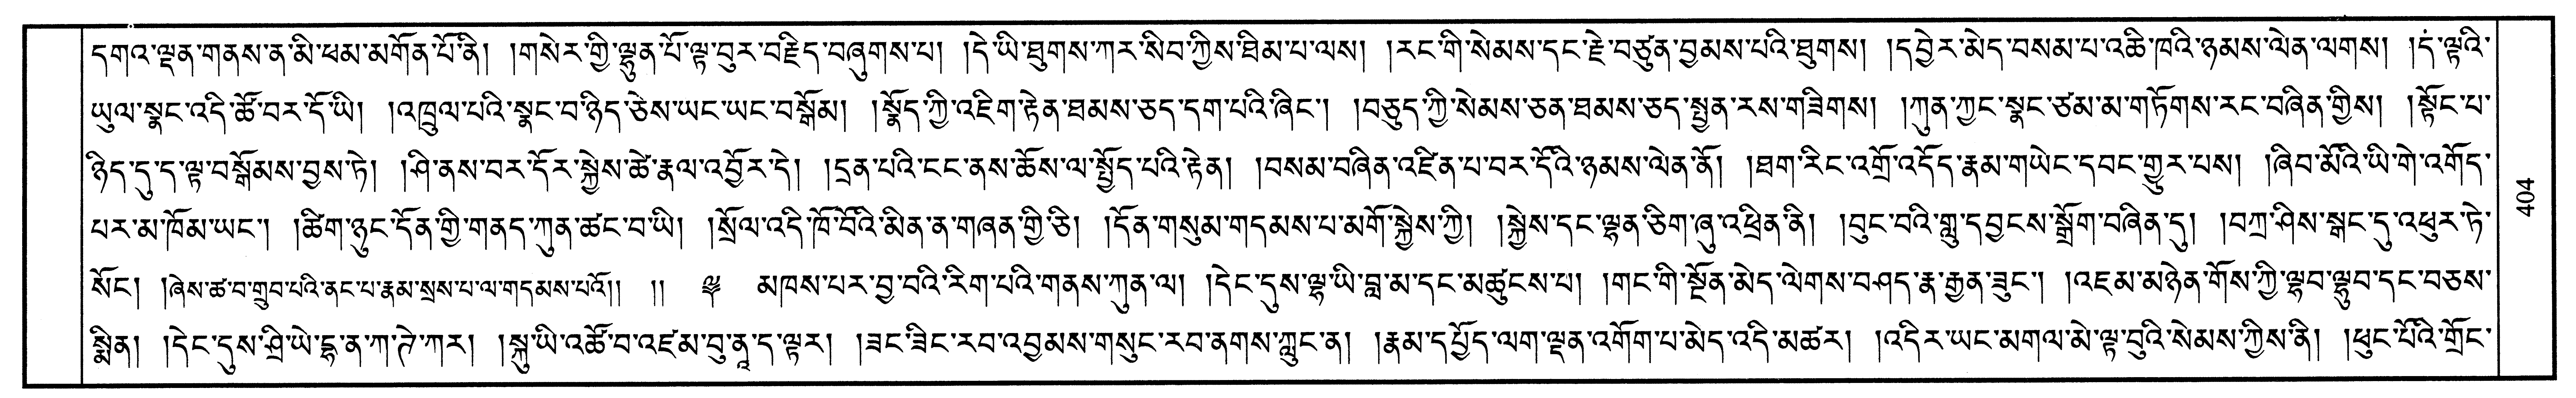དགའ་ལྡན་གནས་ན་མི་ཕམ་མགོན་པོ་ནི། །གསེར་གྱི་ལྷུན་པོ་ལྟ་བུར་བརྗིད་བཞུགས་པ། །དེ་ཡི་ཐུགས་ཀར་སིབ་ཀྱིས་ཐིམ་པ་ལས། །རང་གི་སེམས་དང་རྗེ་བཙུན་བྱམས་པའི་ཐུགས། །དབྱེར་མེད་བསམ་པ་འཆི་ཁའི་ཉམས་ལེན་ལགས། །ད་ལྟའི་
ཡུལ་སྣང་འདི་ཚོ་བར་དོ་ཡི། །འཁྲུལ་པའི་སྣང་བ་ཉིད་ཅེས་ཡང་ཡང་བསྒོམ། །སྣོད་ཀྱི་འཇིག་རྟེན་ཐམས་ཅད་དག་པའི་ཞིང་། །བཅུད་ཀྱི་སེམས་ཅན་ཐམས་ཅད་སྤྱན་རས་གཟིགས། །ཀུན་ཀྱང་སྣང་ཙམ་མ་གཏོགས་རང་བཞིན་གྱིས། །སྟོང་པ་
ཉིད་དུ་ད་ལྟ་བསྒོམས་བྱས་ཏེ། །ཤི་ནས་བར་དོར་སྐྱེས་ཚེ་རྣལ་འབྱོར་དེ། །དྲན་པའི་ངང་ནས་ཆོས་ལ་སྤྱོད་པའི་རྟེན། །བསམ་བཞིན་འཛིན་པ་བར་དོའི་ཉམས་ལེན་ནོ། །ཐག་རིང་འགྲོ་འདོད་རྣམ་གཡེང་དབང་གྱུར་པས། །ཞིབ་མོའི་ཡི་གེ་འགོད་
པར་མ་ཁོམ་ཡང་། །ཚིག་ཉུང་དོན་གྱི་གནད་ཀུན་ཚང་བ་ཡི། །སྲོལ་འདི་ཁོ་བོའི་མིན་ན་གཞན་གྱི་ཅི། །དོན་གསུམ་གདམས་པ་མགོ་སྐྱེས་ཀྱི། །སྐྱེས་དང་ལྷན་ཅིག་ཞུ་འཕྲིན་ནི། །བུང་བའི་གླུ་དབྱངས་སྒྲོག་བཞིན་དུ། །བཀྲ་ཤིས་སྒང་དུ་འཕུར་ཏེ་
སོང་། །ཞེས་ཚ་བ་གྲུབ་པའི་ནང་པ་རྣམ་སྲས་པ་ལ་གདམས་པའོ།། །། ༈ མཁས་པར་བྱ་བའི་རིག་པའི་གནས་ཀུན་ལ། །དེང་དུས་ལྷ་ཡི་བླ་མ་དང་མཚུངས་པ། །གང་གི་སྔོན་མེད་ལེགས་བཤད་རྣ་རྒྱན་ཟུང་། །འཇམ་མཉེན་གོས་ཀྱི་ལྷབ་ལྷུབ་དང་བཅས་
སྨིན། །དེང་དུས་ཤྲི་ཡེ་དྷ་ན་ཀ་ཊེ་ཀར། །སྐུ་ཡི་འཚོ་བ་འཛམ་བུ་ནཱ་ད་ལྟར། །ཟང་ཟིང་རབ་འབྱམས་གསུང་རབ་ནགས་ཀླུང་ན། །རྣམ་དཔྱོད་ལག་ལྡན་འགོག་པ་མེད་འདི་མཚར། །འདིར་ཡང་མགལ་མེ་ལྟ་བུའི་སེམས་ཀྱིས་ནི། །ཕུང་པོའི་གྲོང་